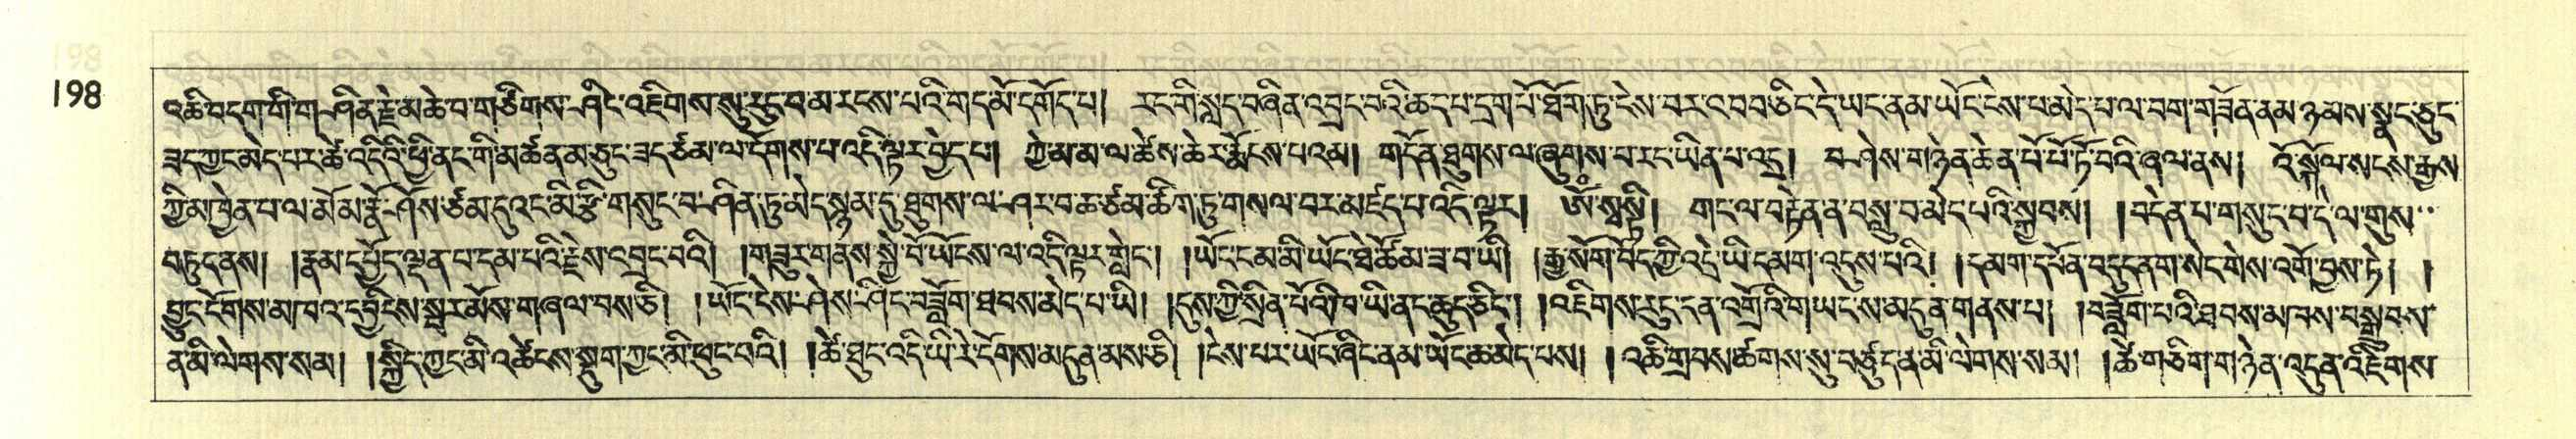འཆི་བདག་གི་གཤིན་རྗེ་མཆེ་བ་གཙིགས་ཤིང་འཇིགས་སུ་རུང་བ་མ་རངས་པའི་གད་མོ་དགོད་པ། རང་གི་སླད་བཞིན་འབྲང་བའི་ཆད་པ་དྲག་པོ་ཐོག་ཏུ་ངེས་བར་འབབ་ཅིང་དེ་ཡང་ནམ་ཡོང་ངེས་པ་མེད་པ་ལ་བག་གཟོན་ནམ་ཉམས་སྣང་ཅུང་
ཟད་ཀྱང་མེད་པར་ཚེ་འདིའི་ཕྱི་ནང་གི་མཚན་མ་ཅུང་ཟད་ཙམ་ལ་དོགས་པ་འདི་ལྟར་བྱེད་པ། ཀྱེ་མ་མ་ལ་ཚེས་ཆེར་རྨོངས་པའམ། གདོན་ཐུགས་ལ་ཞུགས་པ་རང་ཡིན་པ་འདྲ། བཤེས་གཉེན་ཆེན་པོ་པོ་ཏོ་བའི་ཞལ་ནས། འོ་སྐོལ་སངས་རྒྱས་
ཀྱི་མཁྱེན་པ་ལ་མོ་མ་རྣོ་ཤོས་ཙམ་དུའང་མི་རྩི་གསུང་བ་ཤིན་ཏུ་མེད་སྙམ་དུ་ཐུགས་ལ་ཤར་བ་ཆ་ཙམ་ཚིག་ཏུ་གསལ་བར་མཛད་པ་འདི་ལྟར། ཨོཾ་སྭསྟི། གང་ལ་བརྟེན་ན་བསླུ་བ་མེད་པའི་སྐྱབས། །བདེན་པ་གསུང་བ་དེ་ལ་གུས་
བཏུང་ནས། །རྣམ་དཔྱོད་ལྡན་པ་དམ་པའི་རྗེས་འབྲང་བའི། །གཟུར་གནས་སྐྱེ་བོ་ཡོངས་ལ་འདི་ལྟར་གླེང་། །ཡོང་ངམ་མི་ཡོང་ཐེ་ཚོམ་ཟ་བ་ཡི། །རྒྱ་སོག་བོད་ཀྱི་འདྲེ་ཡི་དམག་འདུས་པའི། །དམག་དཔོན་བདུད་ནག་སེང་གེས་འགོ་བྱས་ཏེ། །
བྱུང་ངོས་མཁའ་དབྱིངས་སྤར་མོས་གཞལ་བས་ཅི། །ཡོང་ངེས་ཤེས་ཤིང་བཟློག་ཐབས་མེད་པ་ཡི། །དུས་ཀྱི་སྲིན་པོའི་ཁ་ཡི་ནང་ཆུད་ཅིང་། །འཇིགས་རུང་ངན་འགྲོའི་གཡང་ས་མདུན་གནས་པ། །བཟློག་པའི་ཐབས་མཁས་བསྒྲུབས་
ན་མི་ལེགས་སམ། །སྐྱིད་ཀྱང་མི་འཚེངས་སྡུག་ཀྱང་མི་ཕུང་བའི། །ཚེ་ཐུང་འདི་ཡི་རེ་དོགས་མདུན་མས་ཅི། །ངེས་པར་ཡོང་ཞིང་ནམ་ཡོང་ཆ་མེད་པས། །འཆི་གྲབས་ཚགས་སུ་བཙུད་ན་མི་ལེགས་སམ། །ཚེ་གཅིག་གཉེན་འདུན་འཇིགས་